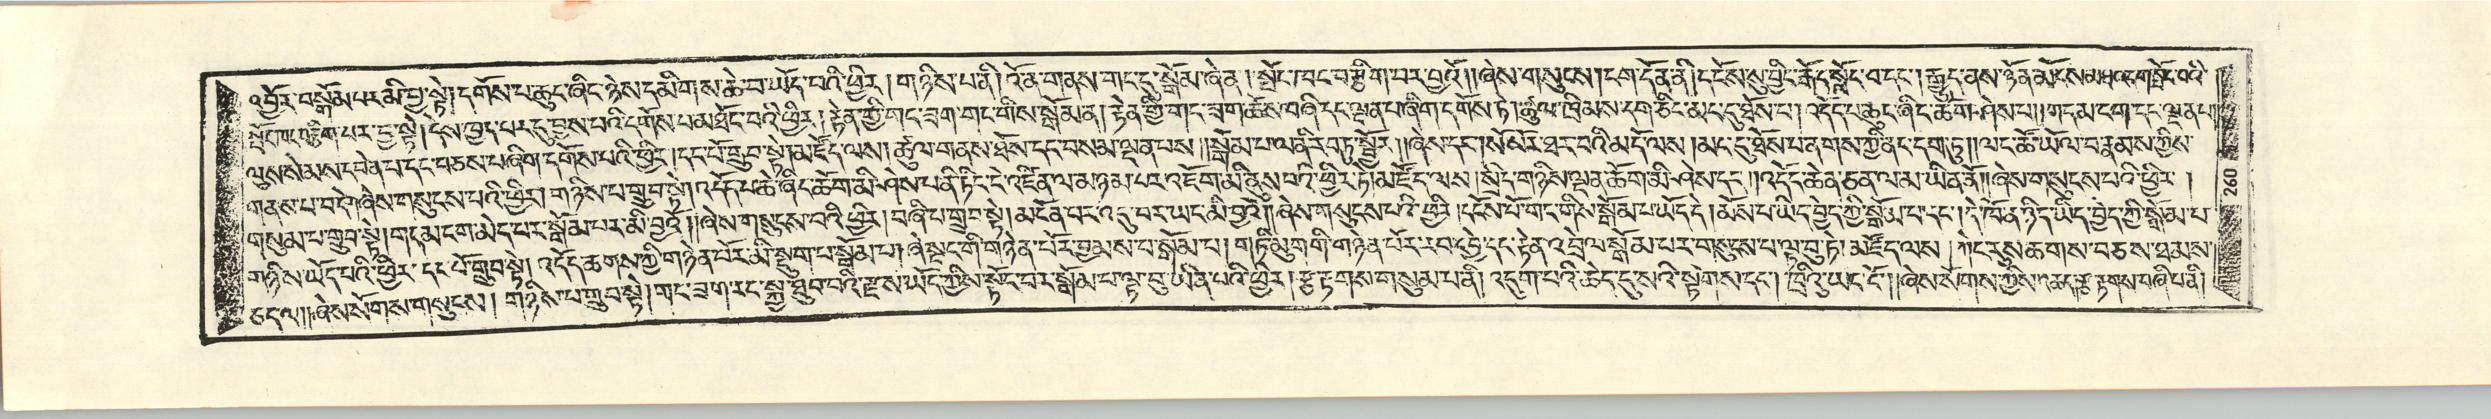འབྱོར་བསྒོམ་པར་མི་བྱ་སྟེ། དགོས་པ་ཆུང་ཞིང་ཉེས་དམིགས་ཆེ་བ་ཡོད་པའི་ཕྱིར། གཉིས་པ་ནི། འོ་ན་གནས་གང་དུ་སྒོམ་ཞེ་ན། སྤོང་ཁང་བརྩིག་པར་བྱའོ། །ཞེས་གསུངས། ངག་དོན་ནི། དངོས་སུ་བྱིང་རྒོད་སློང་བ་དང་། རྒྱུད་ནས་ཉོན་མོངས་མཐའ་དག་སྤོང་བའི་
སྤོང་ཁང་བརྩིག་པར་བྱ་སྟེ། དེས་ཁྱད་པར་དུ་བྱས་པའི་དགོས་པ་མཐོང་བའི་ཕྱིར། རྟེན་གྱི་གང་ཟག་གང་གིས་སྒོམ་ན། རྟེན་གྱི་གང་ཟག་ཆོས་བཞི་དང་ལྡན་པ་ཞིག་དགོས་ཏེ། ཚུལ་ཁྲིམས་དག་ཅིང་མང་དུ་ཐོས་པ། འདོད་པ་ཆུང་ཞིང་ཆོག་ཤེས་པ། །གདམ་ངག་དང་ལྡན་པ་
ལུས་སེམས་དབྱེན་པ་དང་བཅས་པ་ཞིག་དགོས་པའི་ཕྱིར། དང་པོ་གྲུབ་སྟེ། མཛོད་ལས། ཚུལ་གནས་ཐོས་དང་བསམ་ལྡན་པས། །སྒོམ་པ་ལ་ནི་རབ་ཏུ་སྦྱོར། །ཞེས་དང་། སོ་སོར་ཐར་བའི་མདོ་ལས། མང་དུ་ཐོས་པ་ནགས་ཀྱི་ནང་དག་ཏུ། །ལང་ཚོ་ཡོལ་བ་རྣམས་ཀྱིས་
གནས་པ་བདེ་གཞེས་གསུངས་པའི་ཕྱིར། གཉིས་པ་གྲུབ་སྟེ། འདོད་པ་ཆེ་ཞིང་ཆོག་མི་ཤེས་པ་ནི་ཏིང་ངེ་འཛིན་ལ་མཉམ་པར་འཇོག་མི་ནུས་པའི་ཕྱིར་ཏེ། མཛོད་ལས། སྲིད་གཉིས་ལྡན་ཆོག་མི་ཤེས་དང་། །འདོད་ཆེན་ཅན་ལམ་ཡིན་ནོ། །ཞེས་གསུངས་པའི་ཕྱིར།
གསུམ་པ་གྲུབ་སྟེ། གདམ་ངག་མེད་པར་སྒོམ་པར་མི་བྱའོ། །ཞེས་གསུངས་པའི་ཕྱིར། བཞི་པ་གྲུབ་སྟེ། མངོན་པར་འདུ་བར་ཡང་མི་བྱའོ། །ཞེས་གསུངས་པའི་ཕྱིར། དངོས་པོ་གང་གིས་སྒོམ་པ་ཡོད་དེ། མོས་པ་ཡིད་བྱེད་ཀྱི་སྒོམ་པ་དང་། དེ་ཁོ་ན་ཉིད་ཡིད་བྱེད་ཀྱི་སྒོམ་པ་
གཉིས་ཡོད་པའི་ཕྱིར་དང་པོ་གྲུབ་སྟེ། འདོད་ཆགས་ཀྱི་གཉེན་པོར་མི་སྡུག་པ་སྒོམ་པ། ཞེ་སྡང་གི་གཉེན་པོར་བྱམས་པ་སྒོམ་པ། གཏི་མུག་གི་གཉེན་པོར་རབ་དབྱེ་དང་རྟེན་འབྲེལ་སྒོམ་པར་གསུངས་པ་ལྟ་བུ་ཏེ། མཛོད་ལས། ཀེང་རུས་ཆགས་བཅས་ཐམས་
ཅད་ལ། །ཞེས་སོགས་གསུངས། གཉིས་པ་གྲུབ་སྟེ། གང་ཟག་རང་སྐྱ་ཐུབ་པའི་རྫས་ཡོད་ཀྱིས་སྟོང་བར་སྒོམ་པ་ལྟ་བུ་ཡིན་པའི་ཕྱིར། རྩ་རྟགས་གསུམ་པ་ནི། འདུག་པའི་ཆེད་དུ་སའི་སྟེགས་དང་། ཁྲིའུ་ཡང་ངོ། །ཞེས་སོགས་ཀྱིས་འཆད། རྩ་རྟགས་བཞི་པ་ནི།